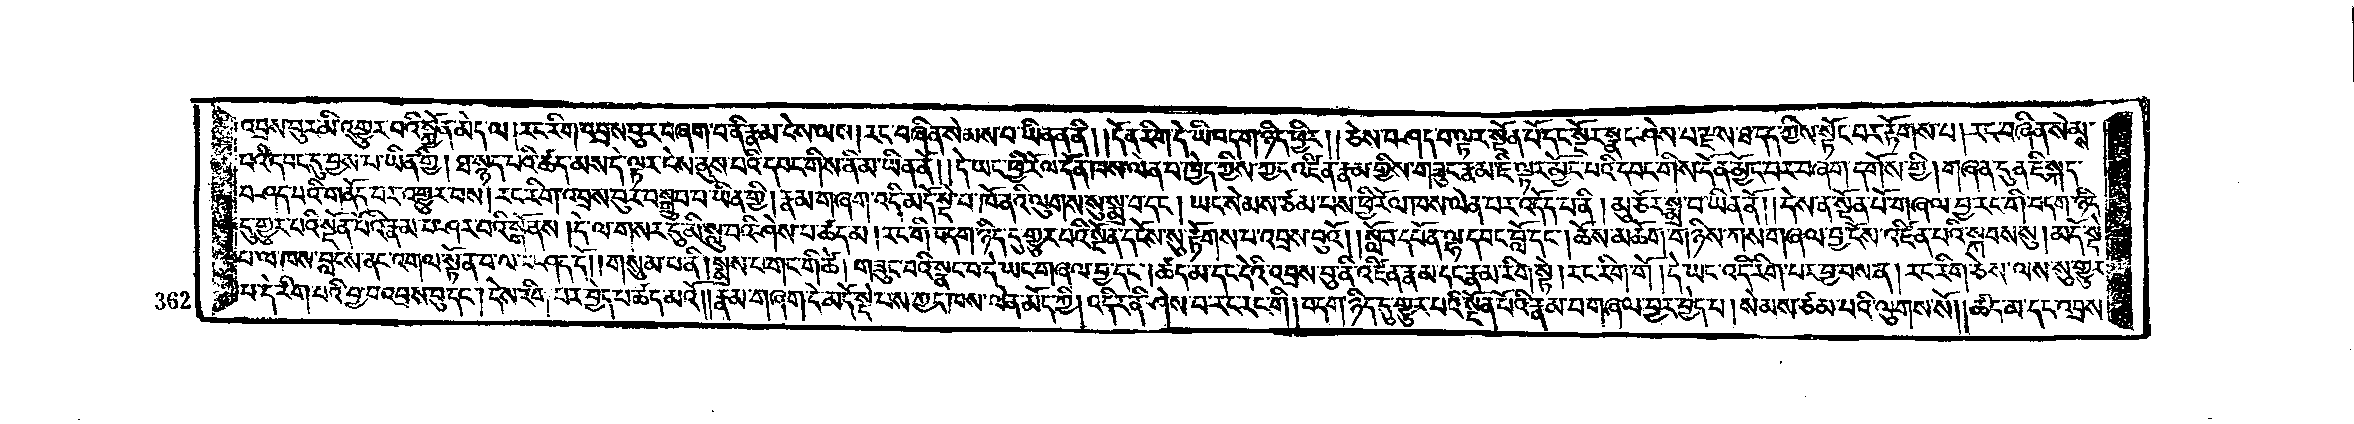འབྲས་བུར་མི་འགྱུར་བའི་སྐྱོན་མེད་ལ། རང་རིག་འབྲས་བུར་བཞག་པ་ནི་རྣམ་ངེས་ལས། རང་བཞིན་སེམས་པ་ཡིན་ན་ནི། །དོན་རིག་དེ་ཡི་བདག་ཉིད་ཕྱིར། །ཅེས་བཤད་པ་ལྟར་སྔོན་པོ་དང་སྔོར་སྣང་ཤེས་པ་རྫས་ཐ་དད་ཀྱིས་སྟོང་བར་རྟོགས་པ་། རང་བཞིན་སེམས་
བའི་དབང་དུབ་ཡས་པ་ཡིན་གྱི། ཐ་སྙད་པའི་ཚད་མས་དེ་ལྟར་ངེས་ནུས་པའི་དབང་གིས་ནི་མ་ཡིན་ནོ། །དེ་ཡང་ཕྱི་རོལ་དོན་ཁས་ལེན་པ་ཁྱེད་ཀྱིས་ཀྱང་འཛིན་རྣམ་གྱིས་གཟུང་རྣམ་ཇི་ལྟར་མྱོང་བའི་དབང་གིས་དོན་མྱོང་བར་བཞག་དགོས་ཀྱི། གཞན་དུ་ན་ཇི་སྐད་
བཤད་པའི་གནོད་བར་འགྱུར་བས། རང་རིག་འབྲས་བུར་བསྒྲུབ་པ་ཡིན་གྱི། རྣམ་གཞག་འདི་མདོ་སྡེ་པ་ཁོ་ནའི་ལུགས་སུ་སྨྲ་བ་དང་། ཡང་སེམས་ཙམ་པས་ཕྱི་རོལ་ཁས་ལེན་པར་འདོད་པ་ནི། མུ་ཅོར་སྨྲ་བ་ཡིན་ནོ། །དེས་ན་སྔོན་པོ་གཞལ་བྱ་རང་གི་བདག་ཉིད་
དུ་གྱུར་པའི་སྔོན་པོའི་རྣམ་པ་ཤར་བའི་སྒོ་ནས། དེ་ལ་གསར་དུ་མི་སླུ་བའི་ཤེས་པ་ཚད་མ། རང་གི་བདག་ཉིད་དུ་གྱུར་པའི་སྔོན་དངོས་སུ་རྟོགས་པ་འབྲས་བུའོ། །སློབ་དཔོན་ལྷ་དབང་བློ་དང་། ཆོས་མཆོག་གཉིས་ཀས་གཞལ་བྱ་ངོས་འཛིན་པའི་སྐབས་སུ། མདོ་སྡེ་
པ་ལ་ཁས་བླངས་ནང་འགལ་སྟོན་པ་ལ་བཤད་དོ། །གསུམ་པ་ནི། སྨྲས་པ་གང་གི་ཚེ། གཟུང་བའི་སྣང་བ་དེ་ཡང་ཞལ་བྱ་དང་། ཚད་མ་དང་དེའི་འབྲས་བུ་ནི་འཛིན་རྣམ་དང་རྣམ་རིག་སྟེ། རང་རིག་གོ །དེ་ཡང་འདི་རིག་པར་བྱ་བས་ན། རང་རིག་ཅེས་ལས་སུ་གྱུར་
པ་དེ་རིག་པའི་བྱ་བ་འབྲས་བུ་དང་། དེས་རིག་པར་བྱེད་པ་ཚད་མའི། །རྣམ་གཞག་དེ་མདོ་སྡེ་པས་ཀྱང་ཁས་ལེན་མོད་ཀྱི། འདིར་ནི་ཤེས་པ་རང་རང་གི །བདག་ཉིད་དུ་གྱུར་པའི་སྔོན་པོའི་རྣམ་པ་གཞལ་བྱར་བྱེད་པ་། སེམས་ཙམ་པའི་ལུགས་སོ། །ཚད་མ་དང་འབྲས་